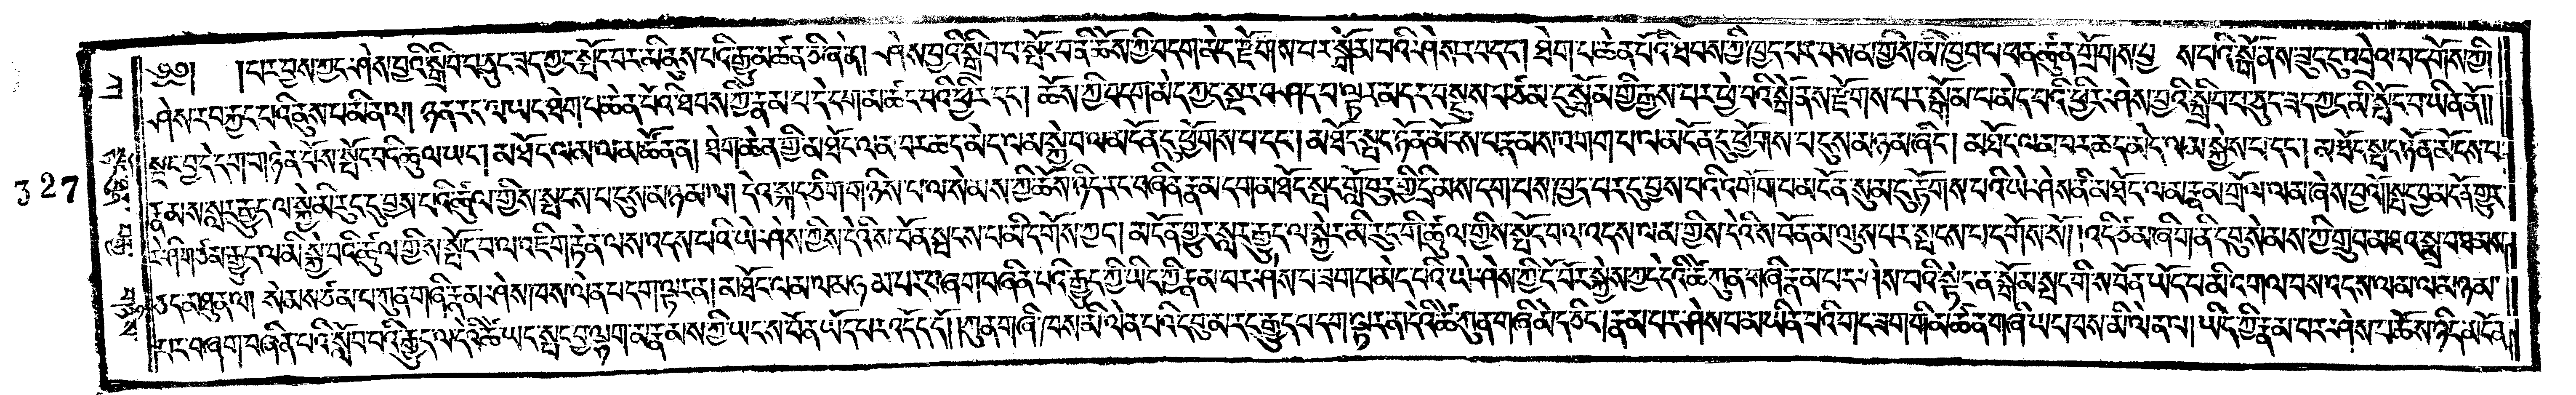༄༅། །པར་བྱས་ཀྱང་ཤེས་བྱའི་སྒྲིབ་པ་ཅུང་ཟད་ཀྱང་སྤོང་བར་མི་ནུས་པའི་རྒྱུ་མཚན་ཅི་ཞེ་ན། ཤེས་བྱའི་སྒྲིབ་པ་སྤོང་བ་ནི་ཆོས་ཀྱི་བདག་མེད་རྫོགས་བར་སྒོམ་པའི་ཤེས་རབ་དང་། ཐེག་པ་ཆེན་པོའི་ཐབས་ཀྱི་ཁྱད་པར་བསམ་གྱིས་མི་ཁྱབ་པ་ཕན་ཚུན་གྲོགས་བྱས་བའི་སྒོ་ནས་ཟུང་དུ་འབྲེལ་བ་དགོས་ཀྱི་
ཤེས་རབ་རྐྱང་པའི་ནུས་པ་མིན་ལ། ཉན་རང་ལ་ཡང་ཐེག་པ་ཆེན་པོའི་ཐབས་ཀྱི་རྣམ་པ་དེ་དག་མཚང་བའི་ཕྱིར་དང་། ཆོས་ཀྱི་བདག་མེད་ཀྱང་སྔར་བཤད་པ་ལྟར་མདོར་བསྡུས་པ་ཙམ་དུ་སྒོམ་གྱི་རྒྱས་པར་ཕྱེ་བའི་སྒོ་ནས་རྫོགས་པར་སྒོམ་པ་མེད་པའི་ཕྱིར་ཤེས་བྱའི་སྒྲིབ་པ་ཅུང་ཟད་ཀྱང་མི་སྤོང་བ་ཡིན་ནོ།།
སྤང་བྱེད་དག་གཉེན་པོས་སྤོང་བའི་ཆུལ་ཡང་། མཐོང་ལམ་ལ་མཚོན་ན། ཐེག་ཆེན་གྱི་མཐོང་ལམ་བར་ཆད་མེད་ལམ་སྐྱེ་བ་ལ་མངོན་དུ་ཕྱོགས་པ་དང་། མཐོང་སྤང་ཉོན་མོངས་པ་རྣམས་འགག་པ་ལ་མངོན་དུ་ཕྱོགས་པ་དུས་མཉམ་ཞིང་། མཐོང་ལམ་བར་ཆད་མེད་ལམ་སྐྱེས་པ་དང་། མཐོང་སྤང་ཉོན་མོངས་པ་
རྣམས་སླར་རྒྱུད་ལ་སྐྱེ་མི་རུང་དུ་བྱས་པའི་ཚུལ་གྱིས་སྤངས་པ་དུས་མཉམ་ལ། དེའ་?་སྐད་ཅིག་གཉིས་པ་ལ་སེམས་ཀྱི་ཆོས་ཉིད་རང་བཞིན་རྣམ་དག་མཐོང་སྤང་གློ་བུར་གྱི་དྲི་མས་དག་པས་ཁྱད་པར་དུ་བྱས་པའི་འགོག་པ་མངོན་སུམ་དུ་རྟོགས་པའི་ཡེ་ཤེས་ནི་མཐོང་ལམ་རྣམ་གྲོལ་ལམ་ཞེས་བྱའོ། །སྤང་བྱ་མངོན་གྱུར་
རེ་ཤིག་ཙམ་རྒྱུད་ལ་མི་སྐྱེ་བའི་ཚུལ་གྱིས་སྤོང་བ་ལ་འཇིག་རྟེན་ལས་འདས་པའི་ཡེ་ཤེས་ཀྱིས་དེའི་ས་བོན་སྤངས་པ་མི་དགོས་ཀྱང་། མངོན་གྱུར་སླར་རྒྱུད་ལ་སྐྱེར་མི་རུང་གི་ཚུལ་གྱིས་སྤོང་བ་ལ་འདས་ལམ་གྱིས་དེའི་ས་བོན་མ་ལུས་པར་སྤངས་པ་དགོས་སོ། །འདི་ཙམ་ཞིག་ནི་དབུ་སེམས་ཀྱི་གྲུབ་མཐའ་སྨྲ་བ་ཐམས་
ཅད་མཐུན་ལ། སེམས་ཙམ་པ་ཀུན་གཞི་རྣམ་ཤེས་ཁས་ལེན་པ་དག་ལྟར་ན། མཐོང་ལམ་ལ་མཉམ་པར་བཞག་བཞིན་པའི་རྒྱུད་ཀྱི་ཡིད་ཀྱི་རྣམ་བར་ཤེས་པ་ཟག་པ་མེད་པའི་ཡེ་ཤེས་ཀྱི་ངོ་བོར་སྐྱེས་ཀྱང་དེའི་ཚེ་ཀུན་གཞི་རྣམ་པར་ཤེས་པའི་སྟེང་ན་སྒོམ་སྤང་གི་ས་བོན་ཡོད་པ་མི་འགལ་བས་འདས་ལམ་ལ་མཉམ་
པར་བཞག་བཞིན་པའི་སློབ་བའི་རྒྱུད་ལ་དེའི་ཚེ་ཡང་སྤང་བྱ་ལྷག་མ་རྣམས་ཀྱི་ཡང་ས་བོན་ཡོད་པར་འདོད་དོ། །ཀུན་གཞི་ཁས་མི་ལེན་པའི་དབུ་མ་རང་རྒྱུད་པ་དག་ལྟར་ན། དེའི་ཚེ་ཀུན་གཞི་མེད་ཅིང་། རྣམ་པར་ཤེས་པ་མ་ཡིན་པའི་གང་ཟག་གི་མཚན་གཞི་ཡང་ཁས་མི་ལེན་ལ། ཡིད་ཀྱི་རྣམ་པར་ཤེས་པ་ཆོས་ཉིད་མངོན་